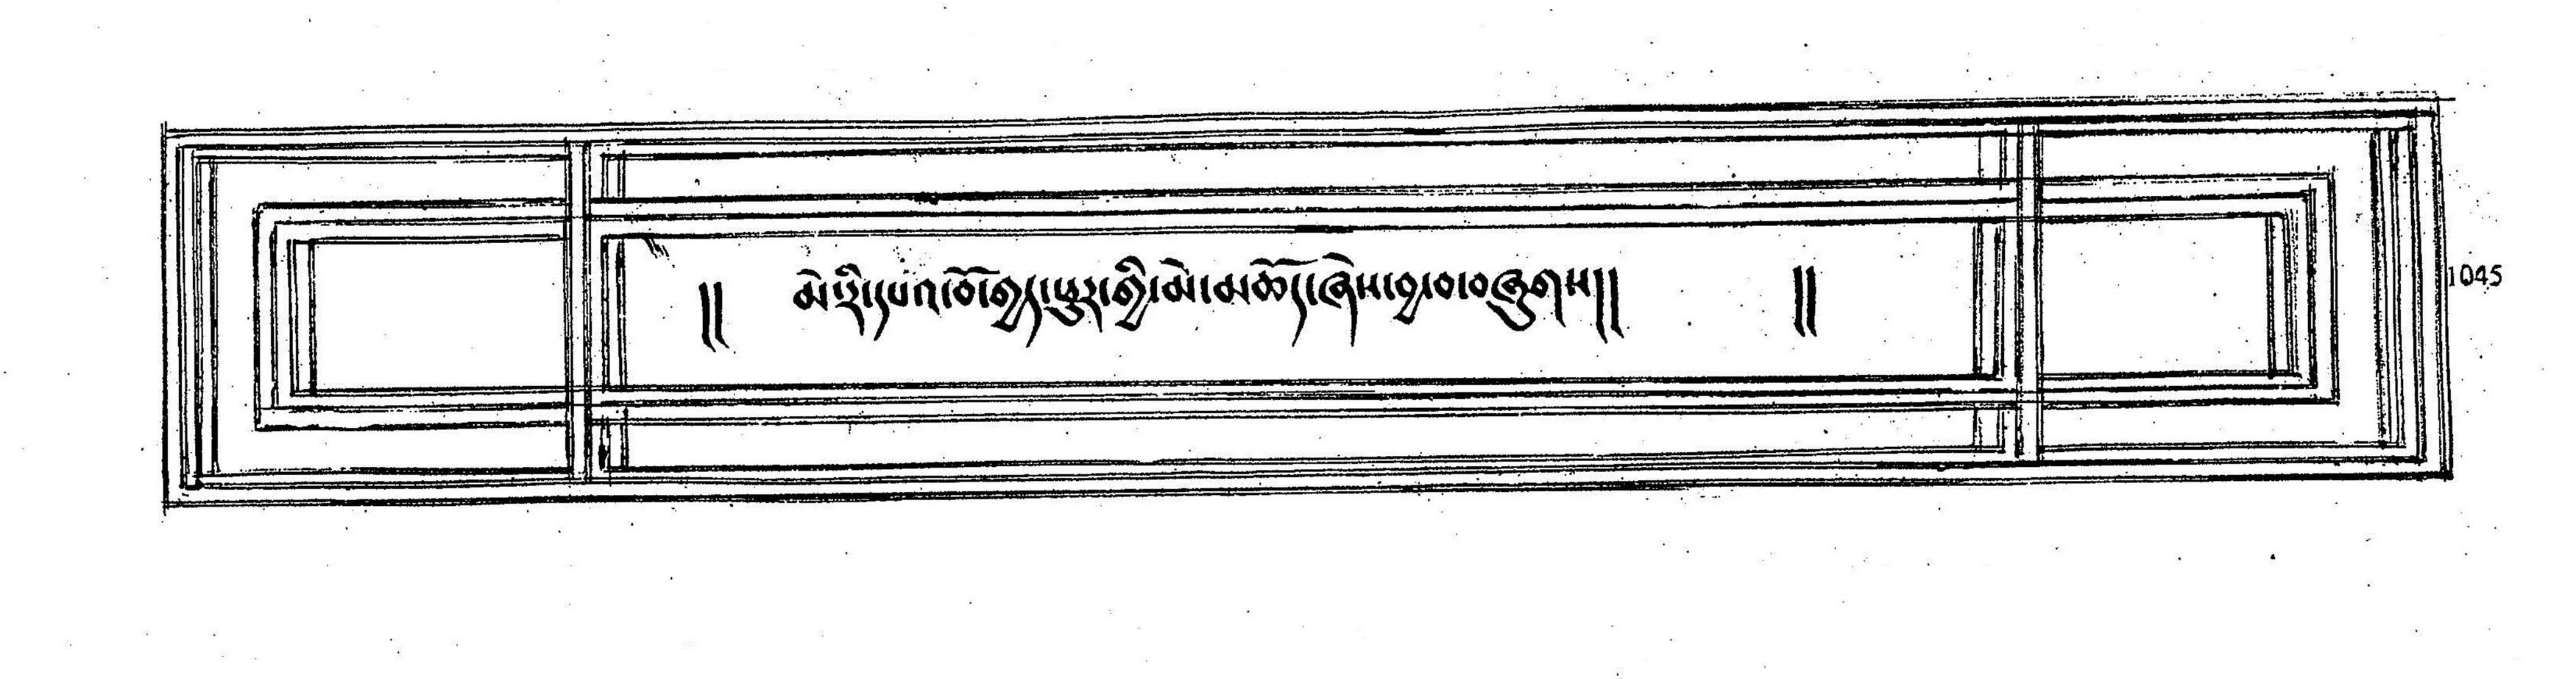།། མེ་རི་དཔའ་བོ་གྱད་ཕུར་གྱི་མེ་མཆོད་ཞེས་བྱ་བ་བཞུགས།། །།